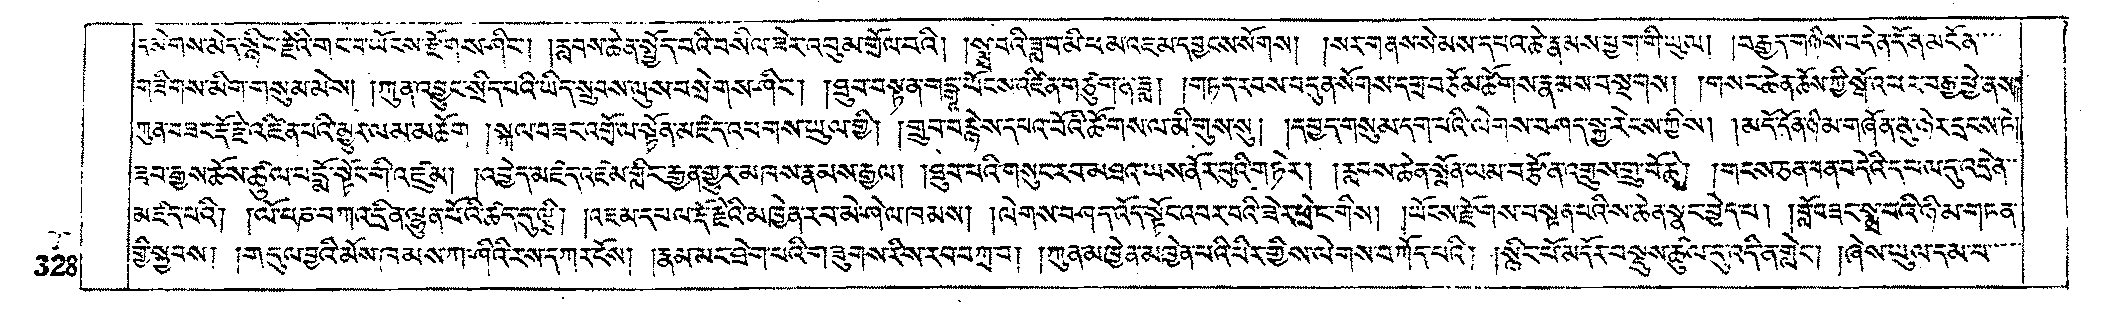དམིགས་མེད་སྙིང་རྗེའི་གང་བ་ཡོངས་རྫོགས་ཤིང་། །རླབས་ཆེན་སྤྱོད་པའི་བསིལ་ཟེར་འབུམ་གྲོལ་བའི། །སྨྲ་བའི་ཟླ་བ་མི་ཕམ་འཇམ་དབྱངས་སོགས། །སར་གནས་སེམས་དཔའ་ཆེ་རྣམས་ཕྱག་གི་ཡུལ། །བརྒྱད་གཉིས་བདེན་དོན་མངོན་་་
གཟིགས་མིག་གསུམ་མེས། །ཀུན་འབྱུང་སྲིད་པའི་ཡིད་སྲུབས་ལུས་བསྲེགས་ཤིང་། །ཐུབ་བསྟན་གངྒཱ་ཡོངས་འཛིན་གཙུག་ན་ཟླ། །གཏད་རབས་བདུན་སོགས་དགྲ་བཅོམ་ཚོགས་རྣམས་བསྔགས། །གསང་ཆེན་ཆོས་ཀྱི་སྒོ་འཕར་བརྒྱ་ཕྱེ་ནས།།
ཀུན་བཟང་རྡོ་རྗེ་འཛིན་པའི་མྱུར་ལམ་མཆོག །སྐལ་བཟང་འགྲོ་ལ་སྟོན་མཛད་འཕགས་ཡུལ་གྱི། །གྲུབ་བརྙེས་དཔའ་བོའི་ཚོགས་ལ་མི་གུས་སུ། །དཔྱད་གསུམ་དག་པའི་ལེགས་བཤད་སྐྱ་རེངས་ཀྱིས། །མདོ་དོན་ཉི་མ་གཞོན་ནུ་ཉེར་དྲངས་ཏེ།
ཟབ་རྒྱས་ཆོས་ཚུལ་པདམོ་སྟོང་གི་འཛུམ། །འབྱེད་མཛད་འཛམ་གླིང་རྒྱན་གྱུར་མཁས་རྣམས་རྒྱལ། །ཐུབ་པའི་གསུང་རབ་མཐའ་ཡས་ནོར་བུའི་གཏེར། །རླབས་ཆེན་སྨོན་ལམ་བརྩོན་འགྲུས་གྲུ་བོ་ཆེ། །གངས་ཅན་ཕན་བདེའི་དཔལ་དུ་འདྲེན་་་
མཛད་པའི། །ལོ་པཎ་བཀའ་དྲིན་ལྷུན་པོའི་ཚད་དུ་ལྕི། །འཇམ་དཔལ་རྡོ་རྗེའི་མཁྱེན་རབ་མེ་ཤེལ་ཁམས། །ལེགས་བཤད་འོད་སྟོང་འབར་བའི་ཟེར་ཕྲེང་གིས། །ཡོངས་རྫོགས་བསྟན་པའི་ས་ཆེན་སྣང་བྱེད་པ། །བློ་བཟང་སྨྲ་བའི་ཉི་མ་གཏན་
གྱི་སྐྱབས། །གདུལ་བྱའི་མོས་ཁམས་ཀ་ཤིའི་རས་དཀར་ངོས། །རྣམ་མང་ཐེག་པའི་གཟུགས་རིས་རབ་བཀྲ་བ། །ཀུན་མཁྱེན་མཁྱེན་པའི་པིར་གྱིས་ལེགས་བཀོད་པའི། །སྙིང་པོ་མདོར་བསྡུས་ཚུལ་དུ་འདི་ན་གླེང་། །ཞེས་ཡུལ་དམ་པ་་་